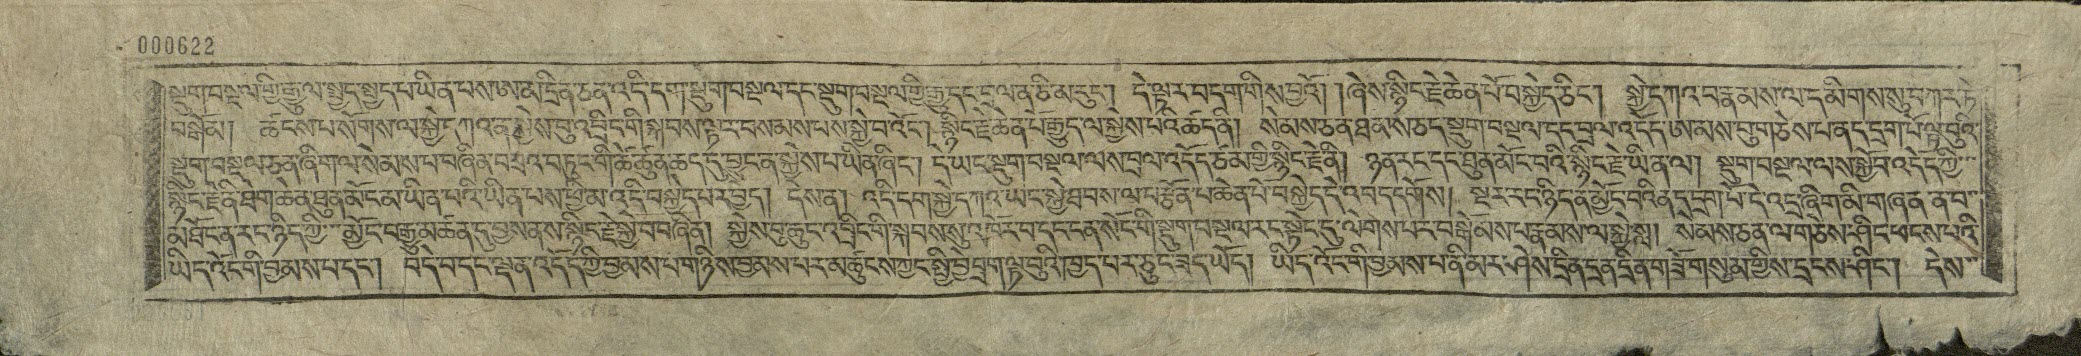སྡུག་བསྔལ་གྱི་རྒྱུ་ལ་སྤྱད་སྤྱད་པ་ཡིན་པས་ཨ་མ་དྲིན་ཅན་འདི་དག་སྡུག་བསྔལ་དང་སྡུག་བསྔལ་གྱི་རྒྱུ་དང་བྲལ་ན་ཅི་མ་རུང་། དེ་ལྟར་བདག་གིས་བྱའོ། །ཞེས་སྙིང་རྗེ་ཆེན་པོ་བསྐྱེད་ཅིང་། སྐྱེ་དཀའ་བ་རྣམས་ལ་དམིགས་སུ་བཀར་ཏེ་
བསྒོམ། ཚངས་པ་སོགས་ལ་སྐྱེ་དཀའ་ན་སྐྱེས་བུ་འབྲིང་གི་སྐབས་ལྟར་བསམས་པས་སྐྱེ་བ་འོང་། སྙིང་རྗེ་ཆེན་པོ་རྒྱུད་ལ་སྐྱེས་པའི་ཚད་ནི། སེམས་ཅན་ཐམས་ཅད་སྡུག་བསྔལ་དང་བྲལ་འདོད་ཨ་མས་བུ་གཅེས་པ་ནད་དྲག་པོ་ལྟ་བུའི་
སྡུག་བསྔལ་ཅན་ཞིག་ལ་སེམས་པ་བཞིན་བཟའ་བཏུང་གི་ཚེ་ཚུན་ཆད་དུ་བྱུང་ན་སྐྱེས་པ་ཡིན་ཞིང་། དེ་ཡང་སྡུག་བསྔལ་ལས་བྲལ་འདོད་ཙམ་གྱི་སྙིང་རྗེ་ནི། ཉན་རང་དང་ཐུན་མོང་བའི་སྙིང་རྗེ་ཡིན་ལ། སྡུག་བསྔལ་ལས་སྐྱོབ་འདོད་ཀྱི་
སྙིང་རྗེ་ནི་ཐེག་ཆེན་ཐུན་མོང་མ་ཡིན་པའི་ཡིན་པས་ཕྱི་མ་འདི་བསྐྱེད་པར་བྱེད། དེས་ན། འདི་དག་སྐྱེ་དཀའ་ཡང་སྐྱེ་ཐབས་ལ་བརྩོན་པ་ཆེན་པོ་བསྐྱེད་དེ་འབད་དགོས། སྔར་རང་ཉིད་ན་མྱོང་བའི་ནད་དྲག་པོ་དེ་འདྲ་ཞིག་མི་གཞན་ན་བ་
མཐོང་ན་རང་ཉིད་ཀྱི་མྱོང་བ་རྒྱུ་མཚན་དུ་བྱས་ནས་སྙིང་རྗེ་སྐྱེ་བ་བཞིན། སྐྱེས་བུ་ཆུང་འབྲིང་གི་སྐབས་སུ་འཁོར་བ་དང་ངན་སོང་གི་སྡུག་བསྔལ་རང་སྟེང་དུ་ལེགས་པར་བསྒོམས་པ་རྣམས་ལ་སྐྱེ་སླ། སེམས་ཅན་ལ་གཅེས་ཤིང་ཕངས་པའི་
ཡིད་འོང་གི་བྱམས་པ་དང་། བདེ་བ་དང་ལྡན་འདོད་ཀྱི་བྱམས་པ་གཉིས་བྱམས་པར་མཚུངས་ཀྱང་སྤྱི་བྱེ་བྲག་ལྟ་བུའི་ཁྱད་པར་ཅུང་ཟད་ཡོད། ཡིད་འོང་གི་བྱམས་པ་ནི་མར་ཤེས་དྲིན་དྲན་དྲིན་གཟོ་གསུམ་གྱིས་དྲངས་ཤིང་། དེས་